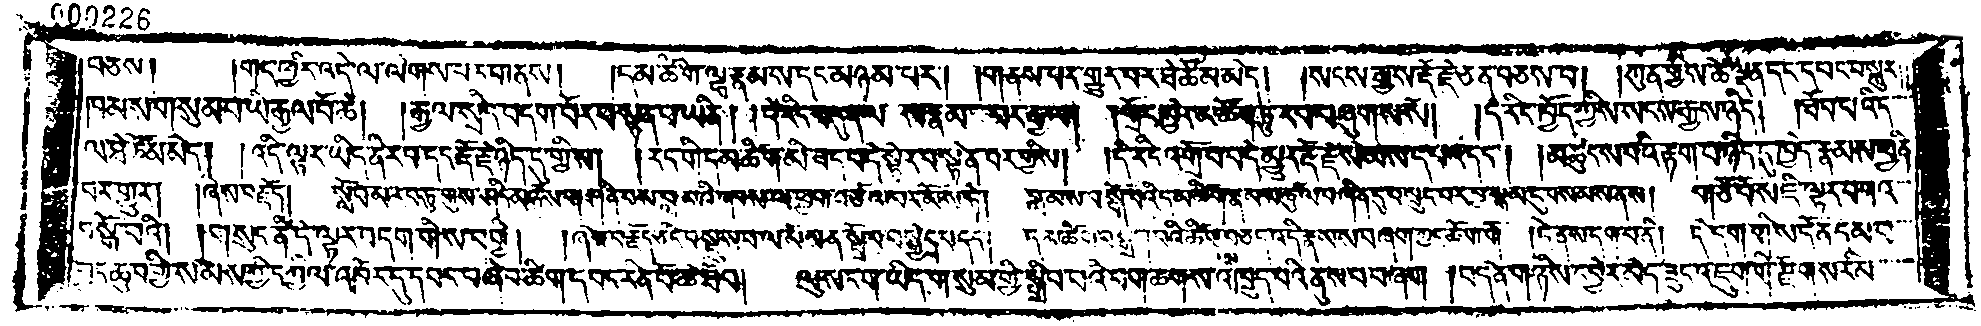བཅས། །གང་ཕྱིར་འདི་ལ་ལེགས་པར་གནས། །དམ་ཚིག་ལྷ་རྣམས་དང་མཉམ་པར། །གནས་པར་གྱུར་བར་ཐེ་ཚོམ་མེད། །སངས་རྒྱས་རྡོ་རྗེ་ཅན་བཅས་པ། །ཀུན་གྱིས་ཚེ་ལྡན་དང་དབང་བསྐུར། །
ཁམས་གསུམ་པ་ཡི་རྒྱལ་པོ་ཆེ། །རྒྱལ་སྲིད་བདག་པོར་བསྟན་པ་ཡིན། །དེ་རིང་བདུད་ལས་རྣམ་པར་རྒྱལ། །གྲོང་ཁྱེར་མཆོག་ཏུ་རབ་བཞུགས་སོ། །དེ་རིང་ཁྱོད་ཀྱིས་སངས་རྒྱས་ཉིད། །ཐོབ་པ་འདི་
ལ་ཐེ་ཚོམ་མེད། །འདི་ལྟར་ཡིད་ནི་རབ་དང་རྡོ་རྗེ་ཉིད་དུ་གྱིས། །རང་གི་དམ་ཚིག་མི་ཟད་བདེ་སྟེར་བསྟེན་བར་གྱིས། །དེ་རིང་འགྲོ་བ་བདེ་མྱུར་རྡོ་རྗེ་སེམས་དཔའ་དང་། །མཚུངས་པའི་རྟག་པ་ཉིད་དུ་ཁྱེད་རྣམས་ཕྱིན་
བར་གྱུར། །ཞེས་བརྗོད། སློབ་མ་རབ་ཏུ་གུས་ཤིང་མཉེས་གཤིན་པས་བླ་མའི་ཞབས་ལ་ཕྱག་བཙལ་བར་མོས་ཏེ། བླ་མས་བསྒོ་བའི་དམ་ཚིག་རྣམས་ཚུལ་བཞིན་དུ་བསྲུང་བར་བྱ་སྙམ་དུ་བསམས་ནས།  གཙོ་བོས་ཇི་ལྟར་བཀའ་
བསྒོ་བའི། །གསུང་ནི་དེ་ལྟར་བདག་གིས་བགྱི། །ཞེས་བརྗོད་ཅིང་བསྡུས་པ་ལ་མོས་ན་སྤྲོ་བ་བསྐྱེད་པ་དང་། དམ་ཚིག་བསྒྲག་པའི་ཚིགས་བཅད་འདི་རྣམས་བཞག་ཀྱང་ཆོག་གོ །དེ་ནས་དག་པ་ནི། དེ་དག་གིས་དོན་དམ་པ་
བྱང་ཆུབ་གྱི་སེམས་ཀྱི་དཀྱིལ་འཁོར་དུ་དབང་བཞི་བ་ཚིག་དབང་རིན་པོ་ཆེ་ཐོབ། ལུས་ངག་ཡིད་གསུམ་གྱི་སྒྲིབ་པའི་བག་ཆགས་འཁྲུད་པའི་ནུས་པ་བཞག །བདེན་གཉིས་དབྱེར་མེད་ཟུང་འཇུག་གི་རྫོགས་རིམ་